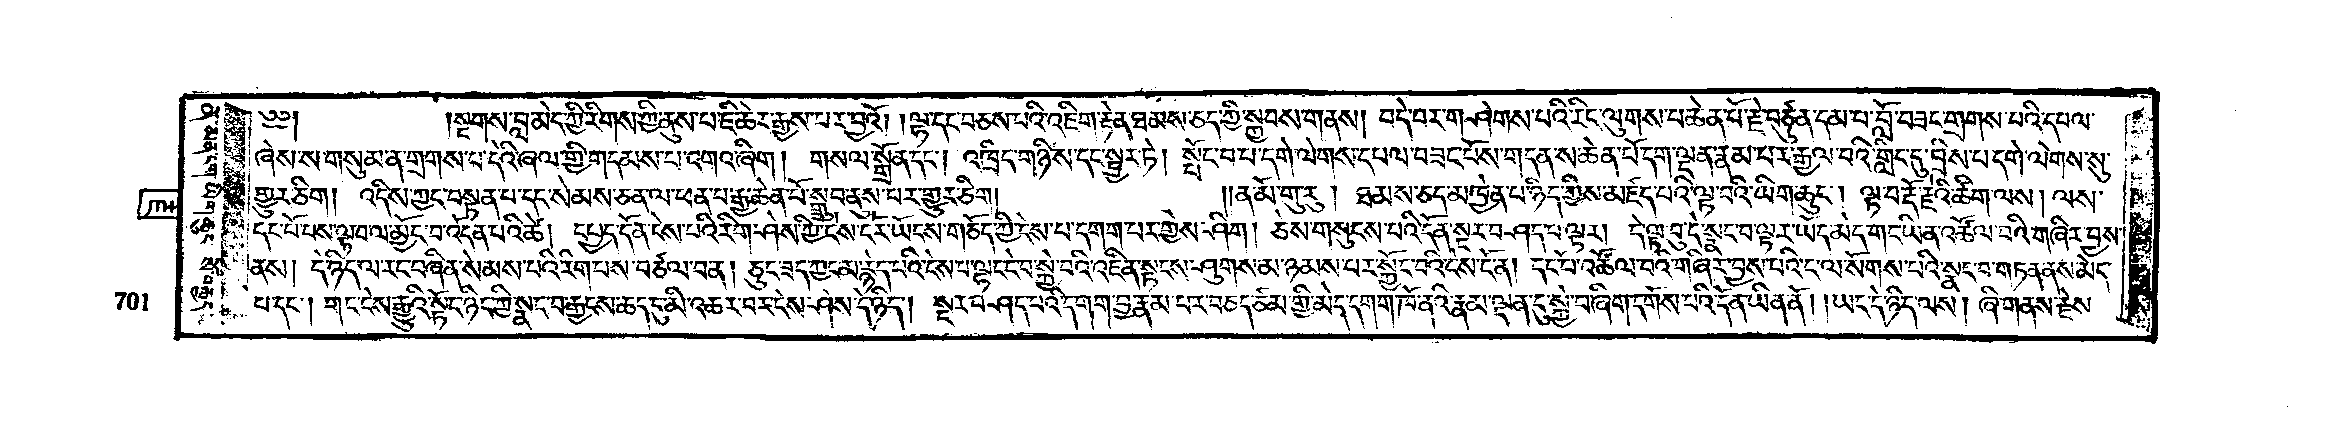༄༅། །སྔགས་བླ་མེད་ཀྱི་རིགས་ཀྱི་ནུས་པ་ཇེ་ཆར་རྒྱས་པར་བྱའོ། །ལྷ་དང་བཅས་པའི་འཇིག་རྟེན་ཐམས་ཅད་ཀྱི་སྐྱབས་གནས། བདེ་བར་གཤེགས་པའི་རིང་ལུགས་པ་ཆེན་པོ་རྗེ་བཙུན་དམ་པ་བློ་བཟང་གྲགས་པའི་དཔལ་
ཞེས་ས་གསུམ་ན་གྲགས་པ་དེའི་ཞལ་གྱི་གདམས་པ་འགའ་ཞིག །གསལ་སྒྲོན་དང་། འཁྲིད་གཉིས་དང་སྦྱར་ཏེ། སྤོང་བ་པ་དགེ་ལེགས་དཔལ་བཟང་པོས་གདན་ས་ཆེན་པོ་དག་ལྡན་རྣམ་པར་རྒྱལ་བའི་གླིང་དུ་བྲིས་པ་དགེ་ལེགས་སུ་
གྱུར་ཅིག །འདིས་ཀྱང་བསྟན་པ་དང་སེམས་ཅན་ལ་ཕན་པ་རྒྱ་ཆེན་པོ་སྒྲུབ་ནུས་པར་གྱུར་ཅིག ། །།ན་མོ་གུ་རུ། ཐམས་ཅད་མཁྱེན་པ་ཉིད་ཀྱིས་མཛད་པའི་ལྟ་བའི་ཡིག་ཆུང་། ལྟ་བ་རྡོ་རྗེའི་ཚིག་ལས། ལས་
དང་པོ་པས་ལྟ་བ་ལ་མྱོང་བ་འདོན་པའི་ཚེ། དཔྱད་དོན་ངེས་པའི་རིག་ཤེས་ཀྱི་ངེས་ངོར་ཡོངས་གཅོད་ཀྱི་ངེས་པ་དགག་པར་གྱིས་ཤིག །ཅེས་གསུངས་པའི་དོན་སྔར་བཤད་པ་ལྟར། ད་ལྟ་བུ་དེ་སྣང་བ་ལྟར་ཡོད་མེད་གང་ཡིན་འཚོལ་བའི་གཞིར་བྱས་
ནས། དེ་ཉིད་ལ་རང་བཞིན་སེམས་པའི་རིག་པས་བཙལ་བ་ན། ཅུང་ཟད་ཀྱང་མ་རྙེད་པའི་ངེས་པ་ལྷང་ངེ་བ་སྐྱེ་བའི་འཛིན་སྟངས་ཤུགས་མ་ཉམས་པར་སྐྱོང་བའི་ངེས་ངོ་ན། དང་པོ་འཚོལ་བའི་གཞིར་བྱས་པའི་ང་ལ་སོགས་པའི་སྣང་བ་གཏན་ནས་མེད་
པ་དང་། གང་ངེས་རྒྱུའི་སྟོང་ཉིད་ཀྱི་སྣང་བ་རྒྱངས་ཆད་དུ་མི་འཆར་བར་ངེས་ཤེས་དེ་ཉིད། སྔར་བཤད་པའི་དགག་བྱ་རྣམ་པར་བཅད་ཙམ་གྱི་མེད་དགག་ཁོ་ནའི་རྣམ་ལྡན་དུ་སྐྱེ་བ་ཞིག་དགོས་པའི་དོན་ཡིན་ནོ། །ཡང་དེ་ཉིད་ལས། ཞི་གནས་རྗེས་